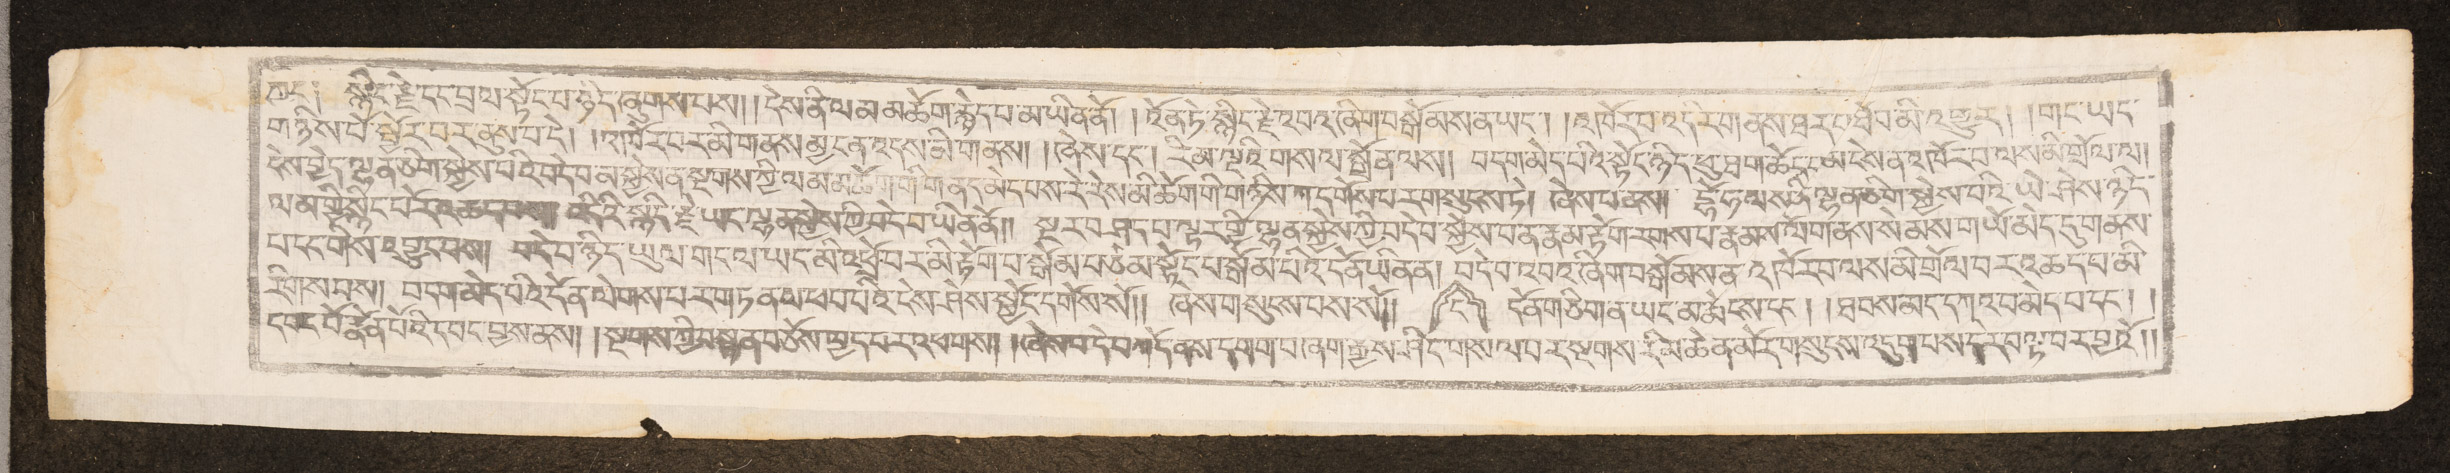ཀྱང༑ སྙིང་རྗེ་དང་བྲལ་སྟོང་པ་ཉིད་ཞུགས་པས།། དེས་ནི་ལམ་མཆོག་རྙེད་པ་མ་ཡིན་ནོ། །འོན་ཏེ་སྙིང་རྗེ་འབའ་ཞིག་བསྒོམས་ན་ཡང་། །འཁོར་བ་འདིར་གནས་ཐར་པ་ཐབ་མི་འགྱུར། །གང་ཡང་
གཉིས་པོ་སྦྱོར་བར་ནུས་པ་དེ། །འཁོར་བར་མི་གནས་མྱ་ངན་འདས་མི་གནས། །ཞེས་དང་། རིམ་ལྔའི་གསལ་སྒྲོན་ལས། བདག་མེད་པའི་སྟོང་ཉིད་ཕུ་ཐག་ཆོད་བ་མ་ངེས་ན་འཁོར་བ་ལས་མི་གྲོལ་ལ།
ངེས་བྱེད་ལྷན་ཅིག་སྐྱེས་པའི་བདེ་བ་མ་སྐྱེས་ན་སྔགས་ཀྱི་ལམ་མཆོག་གི་གནད་མེད་པས་རེ་རེས་མི་ཆོག་གི་གཉིས་ཀ་དགོས་པར་གསུངས་ཏེ། ཞེས་པ་ནས། དྷོ་ཧ་ལས་ནི་ལྷན་ཅིག་སྐྱེས་པའི་ཡེ་ཤེས་ཉིད་
ལམ་གྱི་སྙིང་པོར་འཆད་པས། འདིའི་སྙིང་རྗེ་ཡང་ལྷན་སྐྱེས་ཀྱི་བདེ་བ་ཡིན་ནོ།། སྔར་བཤད་པ་ལྟར་གྱི་ལྷན་སྐྱེས་ཀྱི་བདེ་བ་སྐྱེས་པ་ན་རྣམ་རྟོག་རགས་པ་རྣམས་ལོག་ནས་སེམས་གཡོ་མེད་དུ་གནས་
པ་དང་གིས་འབྱུང་བས། བདེ་བ་ཉིད་ཡུལ་གང་ལ་ཡང་མི་འཕྲོ་བར་མི་རྟོག་པ་སྒོམ་པ་ཙམ་སྟོང་བ་སྒོམ་པའི་དོན་ཡིན་ན། བདེ་བ་འབའ་ཞིག་བསྒོམས་ན་འཁོར་བ་ལས་མི་གྲོལ་བར་འཆད་པ་མི་
རིགས་པས། བདག་མེད་པའི་དོན་ལེགས་པར་གཏན་ལ་ཕབ་པའི་ངེས་ཤེས་སྐྱོང་དགོས་སོ།། ཞེས་གསུངས་པས་སོ།། ༼༽ང༼༽ དོན་གཅིག་ན་ཡང་མ་རྨོངས་དང་། །ཐབས་མང་དཀའ་བ་མེད་པ་དང་། །
དབང་པོ་རྣོན་པོ་འི་དབང་བྱས་ནས། །སྔགས་ཀྱི་བསྟན་བཅོས་ཁྱད་པར་འཕགས། །ཞེས་པ་དེ་བཀོད་ནས་དགག་བཞག་རྒྱས་ཤིང་གསལ་བར་སྔགས་རིམ་ཆེན་མོར་གསུངས་འདུག་པས་དེར་བལྟ་བར་བྱའོ།།